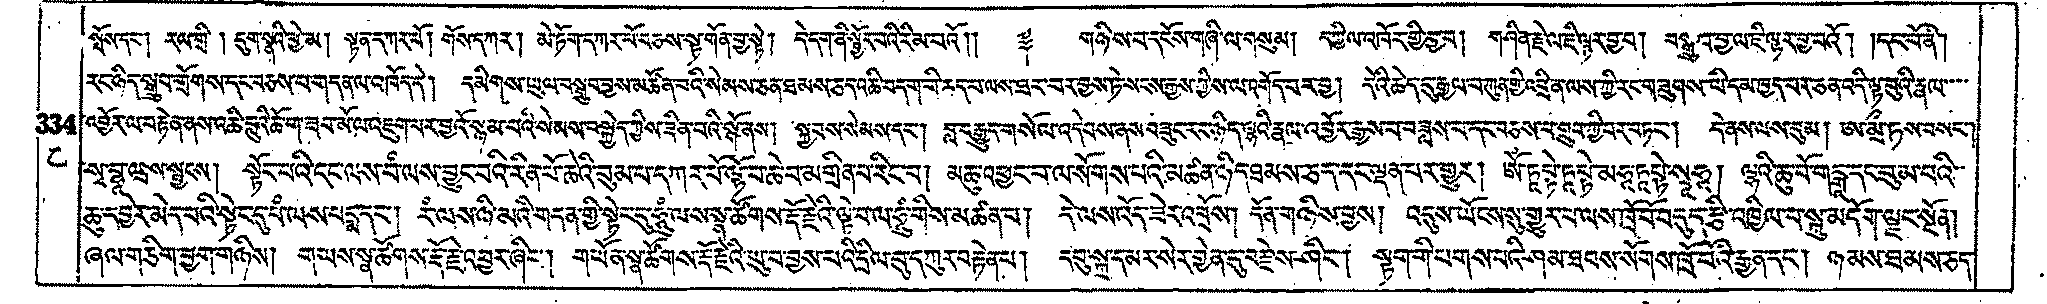སྤོས་དང་། རལ་གྲི། དུག་སྣའི་ཕྱེ་མ། སྟན་དཀར་པོ། གོས་དཀར། མེ་ཏོག་དཀར་པོ་བཅས་སྟ་གོན་བྱ་སྟེ། དེ་དག་ནི་སྦྱོར་བའི་རིམ་པའོ།། འ་གཉིས་པ་དངོས་གཞི་ལ་གསུམ། དཀྱིལ་འཁོར་གྱི་བྱ་བ། གཤིན་རྗེ་ལ་ཇི་ལྟར་བྱ་བ། བསྒྲུབ་བྱ་ལ་ཇི་ལྟར་བྱ་བའོ། །དང་པོ་ནི།
རང་ཉིད་སྒྲུབ་གྲོགས་དང་བཅས་པ་གདན་ལ་འཁོད་དེ། དམིགས་ཡུལ་བསྒྲུབ་བྱས་མཚོན་པའི་སེམས་ཅན་ཐམས་ཅད་འཆི་བདག་གི་ཆད་པ་ལས་ཐར་བར་བྱས་ཏེ་སངས་རྒྱས་ཀྱི་ས་ལ་འགོད་པར་བྱ། དེའི་ཆེད་དུ་རྒྱལ་བ་ཀུན་གྱི་འཕྲིན་ལས་ཀྱི་རང་གཟུགས་ཡི་དམ་ཁྱད་པར་ཅན་འདི་ལྟ་བུའི་རྣལ་་་
འབྱོར་ལ་བརྟེན་ནས་འཆི་བླུའི་ཆོ་ག་ཟབ་མོ་ལ་འཇུག་པར་བྱའི་སྙམ་པའི་སེམས་བསྐྱེད་ཀྱིས་ཟིན་པའི་སྒོ་ནས། སྐྱབས་སེམས་དང་། བླ་བརྒྱུད་གསོལ་འདེབས་ནས་བཟུང་རང་ཉིད་ལྷའི་རྣལ་འབྱོར་རྒྱས་པ་བཟླས་པ་དང་བཅས་པ་གྲུབ་ཀྱི་བར་བཏང་། དེ་ནས་ལས་བུམ། ཨ་མྲྀ་ཏས་བསང་།
སྭ་བྷཱ་ཝས་སྦྱངས། སྟོང་པའི་དང་ལས་བཾ་ལས་བྱུང་བའི་རིན་པོ་ཆེའི་བུམ་པ་དཀར་པོ་ལྟོ་བ་ཆེ་བ་མགྲིན་པ་རིང་བ། མཆུ་འཕྱང་བ་ལ་སོགས་པའི་མཚན་ཉིད་ཐམས་ཅད་དང་ལྡན་པར་གྱུར། ཨོཾ་ཏཱཔྟེ་ཏཱཔྟེ་མཧཱ་ཏཱཔྟེ་སྭཱཧཱ། ལྷའི་ཆུ་བོ་གངྒཱ་དང་བུམ་པའི་་་
ཆུ་དབྱེར་མེད་པའི་སྟེང་དུ་པཾ་ལས་པདམ་དང་། རཾ་ལས་ཉི་མའི་གདན་གྱི་སྟེང་དུ་ཧཱུཾ་ལས་སྣ་ཚོགས་རྡོ་རྗེའི་ལྟེ་བ་ལ་ཧཱུཾ་ལས་སྣ་ཚོགས་རྡོ་རྗེའི་ལྟེ་བ་ལ་ཧཱུཾ་གིས་མཚན་པ། དེ་ལས་འོད་ཟེར་འཕྲོས། དོན་གཉིས་བྱས། འདུས་ཡོངས་སུ་གྱུར་པ་ལས་ཁྲོ་བོ་བདུད་རྩི་འཁྱིལ་པ་སྐུ་མདོག་ལྗང་སྔོན།
ཞལ་གཅིག་ཕྱག་གཉིས། གཡས་སྣ་ཚོགས་རྡོ་རྗེ་འཕྱར་ཞིང་། གཡོན་སྣ་ཚོགས་རྡོ་རྗེའི་ཡུ་བ་བྱས་པའི་དྲིལ་བུ་དཀུར་བརྟེན་པ། དབུ་སྐྲ་དམར་སེར་གྱེན་དུ་བརྫེས་ཤིང་། སྟག་གི་པགས་པའི་ཤམ་ཐབས་སོགས་ཁྲོ་བོའི་རྒྱན་དང་། ཉམས་ཐམས་ཅད་